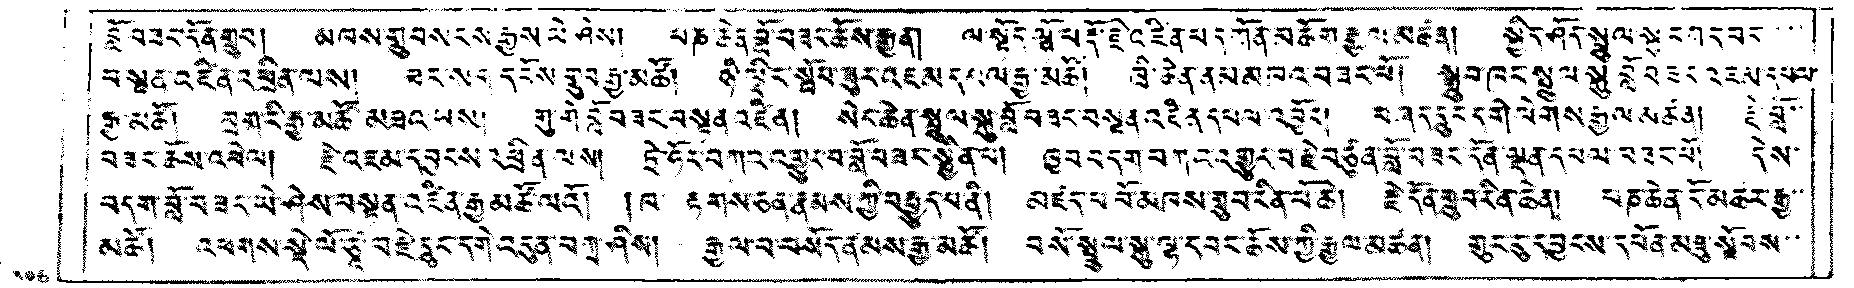བློ་བཟང་དོན་གྲུབ། མཁས་གྲུབ་སངས་རྒྱས་ཡེ་ཤེས། པཎ་ཆེན་བློ་བཟང་ཆོས་རྒྱན། ལ་སྟོད་ལྷོ་པ་རྡོ་རྗེ་འཛིན་པ་དཀོན་མཆོག་རྒྱལ་མཚན། སྐྱིད་ཤོད་སྤྲུལ་སྐུ་ངག་དབང་
བསྟན་འཛིན་འཕྲིན་ལས། ཐང་སག་དངོས་གྲུབ་རྒྱ་མཚོ། ཉི་ལྡིང་སློབ་ཟུར་འཇམ་དཔལ་རྒྱ་མཚོ། ཁྲི་ཆེན་ནམ་མཁའ་བཟང་པོ། སྒྲུབ་ཁང་སྤྲུལ་སྐུ་བློ་བཟང་འཇམ་དཔལ་
རྒྱ་མཚོ། བྲག་རི་རྒྱ་མཚོ་མཐའ་ཡས། གུ་གེ་བློ་བཟང་བསྟན་འཛིན། སེང་ཆེན་སྤྲུལ་སྐུ་བློ་བཟང་བསྟན་འཛིན་དཔལ་འབྱོར། བཞད་དྲུང་དགེ་ལེགས་རྒྱལ་མཚན། རྗེ་བློ་
བཟང་ཆོས་འཕེལ། རྗེ་འཇམ་དབྱངས་འཕྲིན་ལས། ཏྲེ་ཧོར་བཀའ་འགྱུར་བ་བློ་བཟང་སྦྱིན་པ། ཁྱབ་བདག་བཀའ་འགྱུར་བ་རྗེ་བཙུན་བློ་བཟང་དོན་ལྡན་དཔལ་བཟང་པོ། དེས་
བདག་བློ་བཟང་ཡེ་ཤེས་བསྟན་འཛིན་རྒྱ་མཚོ་ལའོ། །ཁ་རྟགས་ཅན་རྣམས་ཀྱི་བརྒྱུད་པ་ནི། མཛད་པ་པོ་མཁས་གྲུབ་རིན་པོ་ཆེ། རྗེ་དོན་གྲུབ་རིན་ཆེན། པཎ་ཆེན་ངོ་མཚར་རྒྱ་
མཚོ། འཕགས་སྡེ་ལོ་ཙཱ་བ་རྗེ་དྲུང་དགེ་འདུན་བཀྲ་ཤིས། རྒྱལ་བ་བསོད་ནམས་རྒྱ་མཚོ། བ་སོ་སྤྲུལ་སྐུ་ལྷ་དབང་ཆོས་ཀྱི་རྒྱལ་མཚན། གུང་རུ་དབྱངས་དཔོན་མཐུ་སྟོབས་